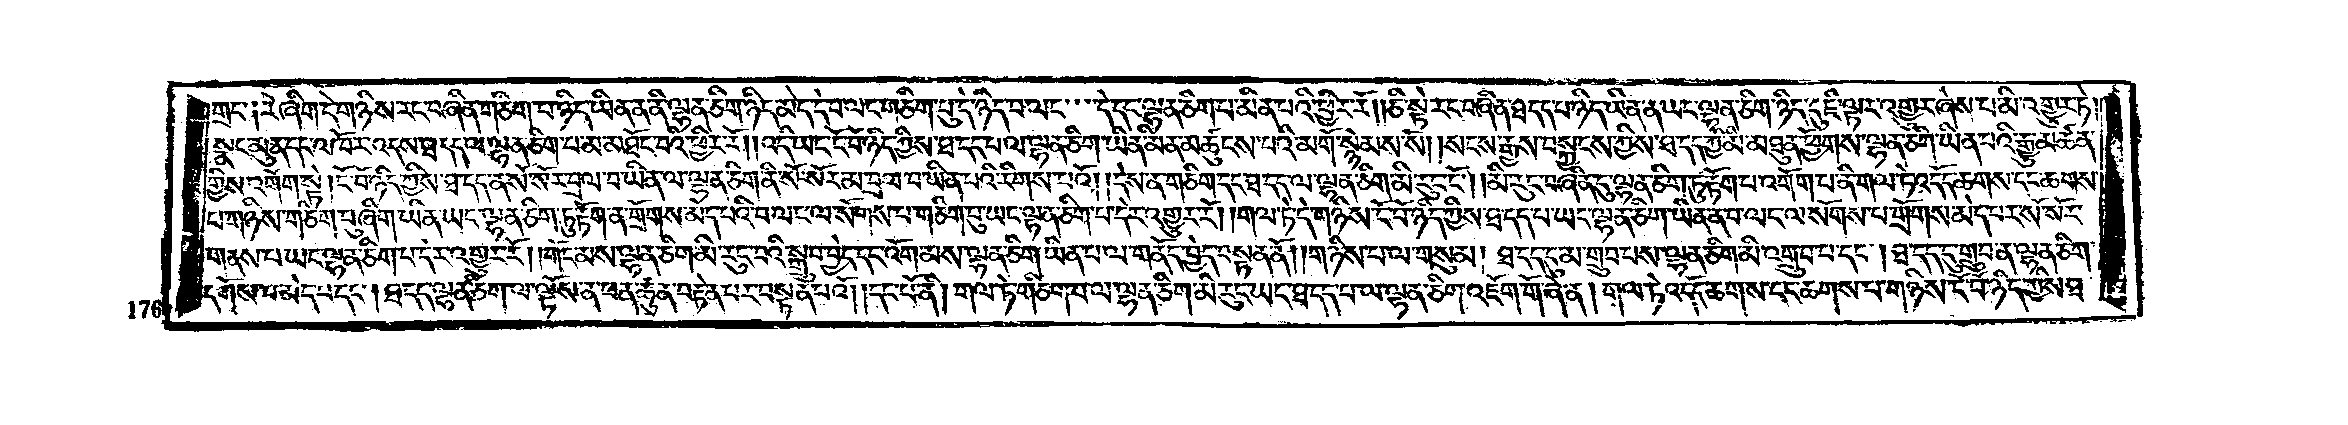གྲང་། རེ་ཞིག་དེ་གཉིས་རང་བཞིན་གཅིག་པ་ཉིད་ཡིན་ན་ནི་ལྷན་གཅིག་ཉིད་མད་དེ་བ་ལང་གཅིག་བུ་དེ་ཉིད་པ་ལང་དེ་དང་ལྷན་ཅིག་པ་མིན་པའི་ཕྱིར་རོ། །ཅི་སྟེ་རང་བཞིན་ཐ་དད་པ་ཉིད་ཡིན་ན་ཡང་ལྷན་ཅིག་ཉིད་དུ་ཇི་ལྟར་འགྱུར་ཞེས་པ་མི་འགྱུར་ཏེ།
སྣང་མུན་དང་འཁོར་འདས་ཐ་དད་པ་ལྷན་ཅིག་པ་མ་མཐོང་བའི་ཕྱིར་རོ། །འདི་ཡང་ངོ་བོ་ཉིད་ཀྱིས་ཐ་དད་པ་ལ་ལྷན་ཅིག་ཡིན་མིན་མཚུངས་པའི་མགོ་སྙམ་སོ། །སངས་རྒྱས་བསྐྱངས་ཀྱིས་ཐ་དད་ཀྱི་མི་མཐུན་ཕྱོགས་ལྷན་ཅིག་ཡིན་པའི་རྒྱུ་མཚན་
གྱིས་འགོག་སྟེ། ངོ་བོ་ཉིད་ཀྱིས་ཐ་དད་ན་སོ་སོར་བྲལ་བ་ཡིན་ལ་ལྷན་ཅིག་ནི་སོ་སོར་མ་བྲལ་བ་ཡིན་པའི་རིགས་པའོ། །དེས་ན་གཅིག་དང་ཐ་དད་ལ་ལྷན་ཅིག་མི་རུང་ངོ། །མི་རུང་བཞིན་དུ་ལྷན་གཅིག་ཏུ་རྟོག་པ་འགོག་པ་ནི་གལ་ཏེ་འདོད་ཆགས་དང་ཆགས་པ་གཉིས་གཅིག་པུ་གཞིག་ཡིན་ཡང་ལྷན་གཅིག་ཏུ་རྟོག་ན་རྟོགས་མེད་པའི་བ་ལང་ལ་སོགས་པ་གཅིག་པུ་ཡང་ལྷན་ཅིག་པ་དེར་འགྱུར་རོ། །གལ་ཏེ་དེ་གཉིས་ངོ་བོ་ཉིད་ཀྱིས་ཐ་དད་པ་ཡང་ལྷན་ཅིག་ཡིན་ན་བ་ལང་ལ་སོགས་པ་གྲོགས་མེད་པར་སོ་སོར་
གནས་པ་ཡང་ལྷན་ཅིག་པ་དེར་འགྱུར་རོ། །གོང་མས་ལྷན་གཅིག་མི་རུང་པའི་སྒྲུབ་བྱེད་དང་འོག་མས་ལྷན་ཅིག་ཡིན་པ་ལ་གནོད་བྱེད་བསྟན་ནོ། །གཉིས་པ་ལ་གསུམ་།ཐ་དད་དུ་མ་གྲུབ་པས་ལྷན་ཅིག་མི་འགྲུབ་པ་དང་། ཐ་དད་གྲུབ་ན་ལྷན་ཅིག་
དགོས་པ་མེད་པ་དང་། ཐ་དད་ལྷན་ཅིག་ལ་ལྟོས་ན་ཕན་ཚུན་བརྟེན་པར་བསྟན་པའོ། །དང་པོ་ནི། གལ་ཏེ་གཅིག་པ་ལ་ལྷན་ཅིག་མི་རུང་ཡང་ཐ་དད་པ་ལ་ལྷན་ཅིག་འཇོག་གི་གཞན་ན། གལ་ཏེ་འདོད་ཆགས་དང་ཆགས་པ་གཉིས་ངོ་བོ་ཉིད་ཀྱིས་ཐ་